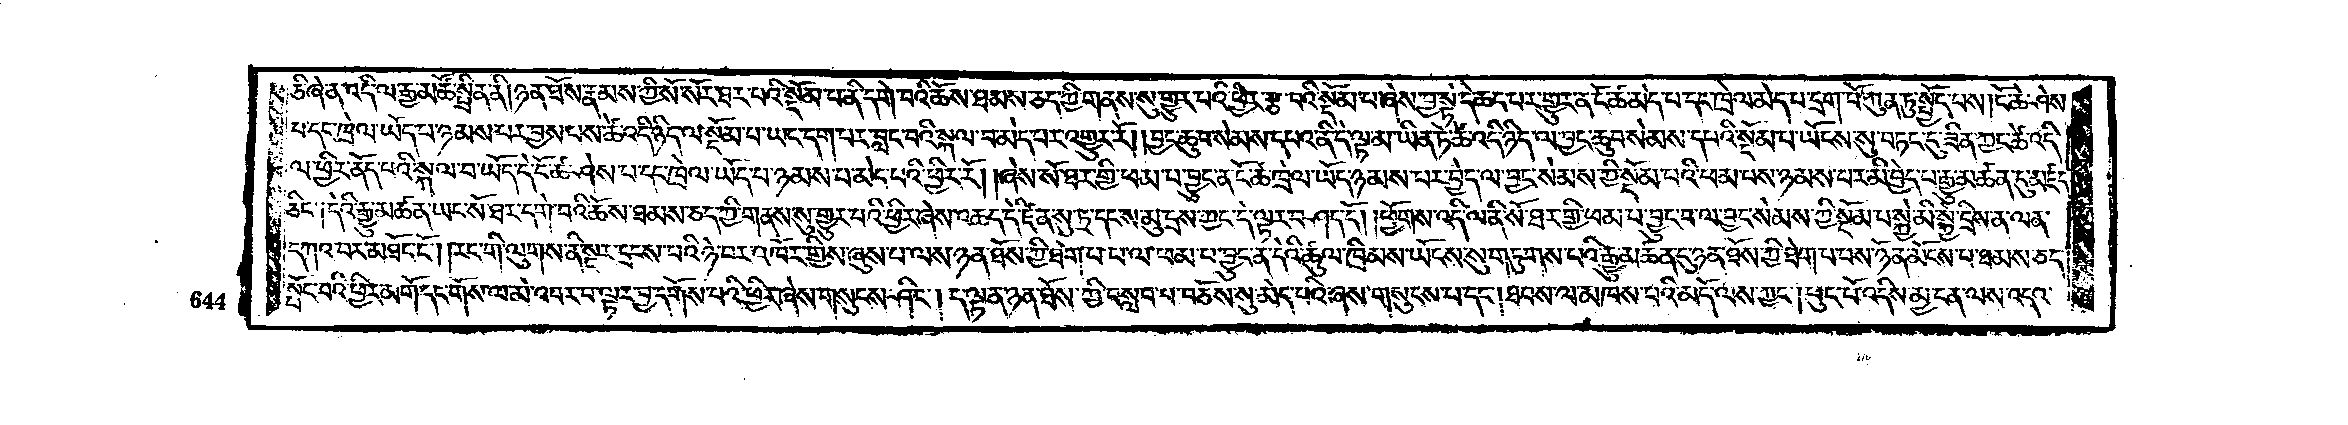ཅི་ཞེ་ན་འདི་ལ་རྒྱ་མཚོ་སྤྲིན་ནི། ཉན་ཐོས་རྣམས་ཀྱི་སོ་སོར་ཐར་པའི་སྡོམ་པ་ནི་དགེ་བའི་ཆོས་ཐམས་ཅད་ཀྱི་གནས་སུ་གྱུར་པའི་ཕྱིར་རྩ་བའི་སྡོམ་པ་ཞེས་བྱ་སྟེ་དེ་ཆད་པར་གྱུར་ན་ངོ་ཚ་མེད་པ་དང་ཁྲེལ་མེད་པ་དྲག་པོ་ཀུན་ཏུ་སྤྱོད་པས། ངོ་ཆེ་ཤེས་
པ་དང་ཁྲེལ་ཡོད་པ་ཉམས་པར་བྱས་པས་ཚེ་འདི་ཉིད་ལ་སྡོམ་པ་ཡང་དག་པར་བླང་བའི་སྐལ་བ་མེད་པར་འགྱུར་རོ། །བྱང་ཆུབ་སེམས་དཔའ་ནི་དེ་ལྟ་མ་ཡིན་ཏེ་ཚེ་འདི་ཉིད་ལ་བྱང་ཆུབ་སེམས་དཔའི་སྡོམ་པ་ཡོངས་སུ་བཏང་དུ་ཟིན་ཀྱང་ཚེ་འདི་
ལ་ཕྱིར་ནོད་པའི་སྐལ་བ་ཡོད་དེ་ངོ་ཚ་ཤེས་པ་དང་ཁྲེལ་ཡོད་པ་ཉམས་པ་མེད་པའི་ཕྱིར་རོ། །ཞེས་སོ་ཐར་གྱི་ཕམ་པ་བྱུང་ན་ངོ་ཚ་ཁྲེལ་ཡོད་ཉམས་པར་བྱེད་ལ་བྱང་སེམས་ཀྱི་སྡོམ་པའི་ཕམ་པས་ཉམས་པར་མི་བྱེད་པ་རྒྱུ་མཚན་དུ་མཛད་
ཅིང༑ དེའི་རྒྱུ་མཚན་ཡང་སོ་ཐར་དགེ་བའི་ཆོས་ཐམས་ཅད་ཀྱི་གནས་སུ་གྱུར་པའི་ཕྱིར་ཞེས་འཆད་དེ་ཛིན་སུ་ཏྲ་དང་ས་མུ་དྲས་ཀྱང་དེ་ལྟར་བཤད་དོ། །ཕྱོགས་འདི་ལ་ནི་སོ་ཐར་གྱི་ཕམ་པ་བྱུང་བ་ལ་བྱང་སེམས་ཀྱི་སྡོམ་པ་སྐྱེ་མི་སྐྱེ་དྲིས་ན་ལན་
དཀའ་བར་མཐོང་ངོ། །རང་གི་ལུགས་ནི་སྔར་དྲངས་པའི་ཉེ་བར་འཁོར་གྱིས་ཞུས་པ་ལས་ཉན་ཐོས་ཀྱི་ཐེག་པ་པ་ལ་ཕམ་པ་བྱུང་ན་དེའི་ཚུལ་ཁྲིམས་ཡོངས་སུ་གཏུགས་པའི་རྒྱུ་མཚན་དུ་ཉན་ཐོས་ཀྱི་ཐེག་པ་པས་ཉོན་མོངས་པ་ཐམས་ཅད་
སྤོང་བའི་ཕྱིར་མགོ་དང་གོས་ལ་མེ་འབར་བ་ལྟར་བྱ་དགོས་པའི་ཕྱིར་ཞེས་གསུངས་ཤིང་། ད་ལྟན་ཉན་ཐོས་ཀྱི་བསླབ་པ་བཅོས་སུ་མེད་པའི་ཞས་གསུངས་པ་དང་། ཐབས་ལ་མཁས་པའི་མདོ་ལས་ཀྱང་། ཕུང་པོ་འདིས་མྱ་ངན་ལས་འདའ་